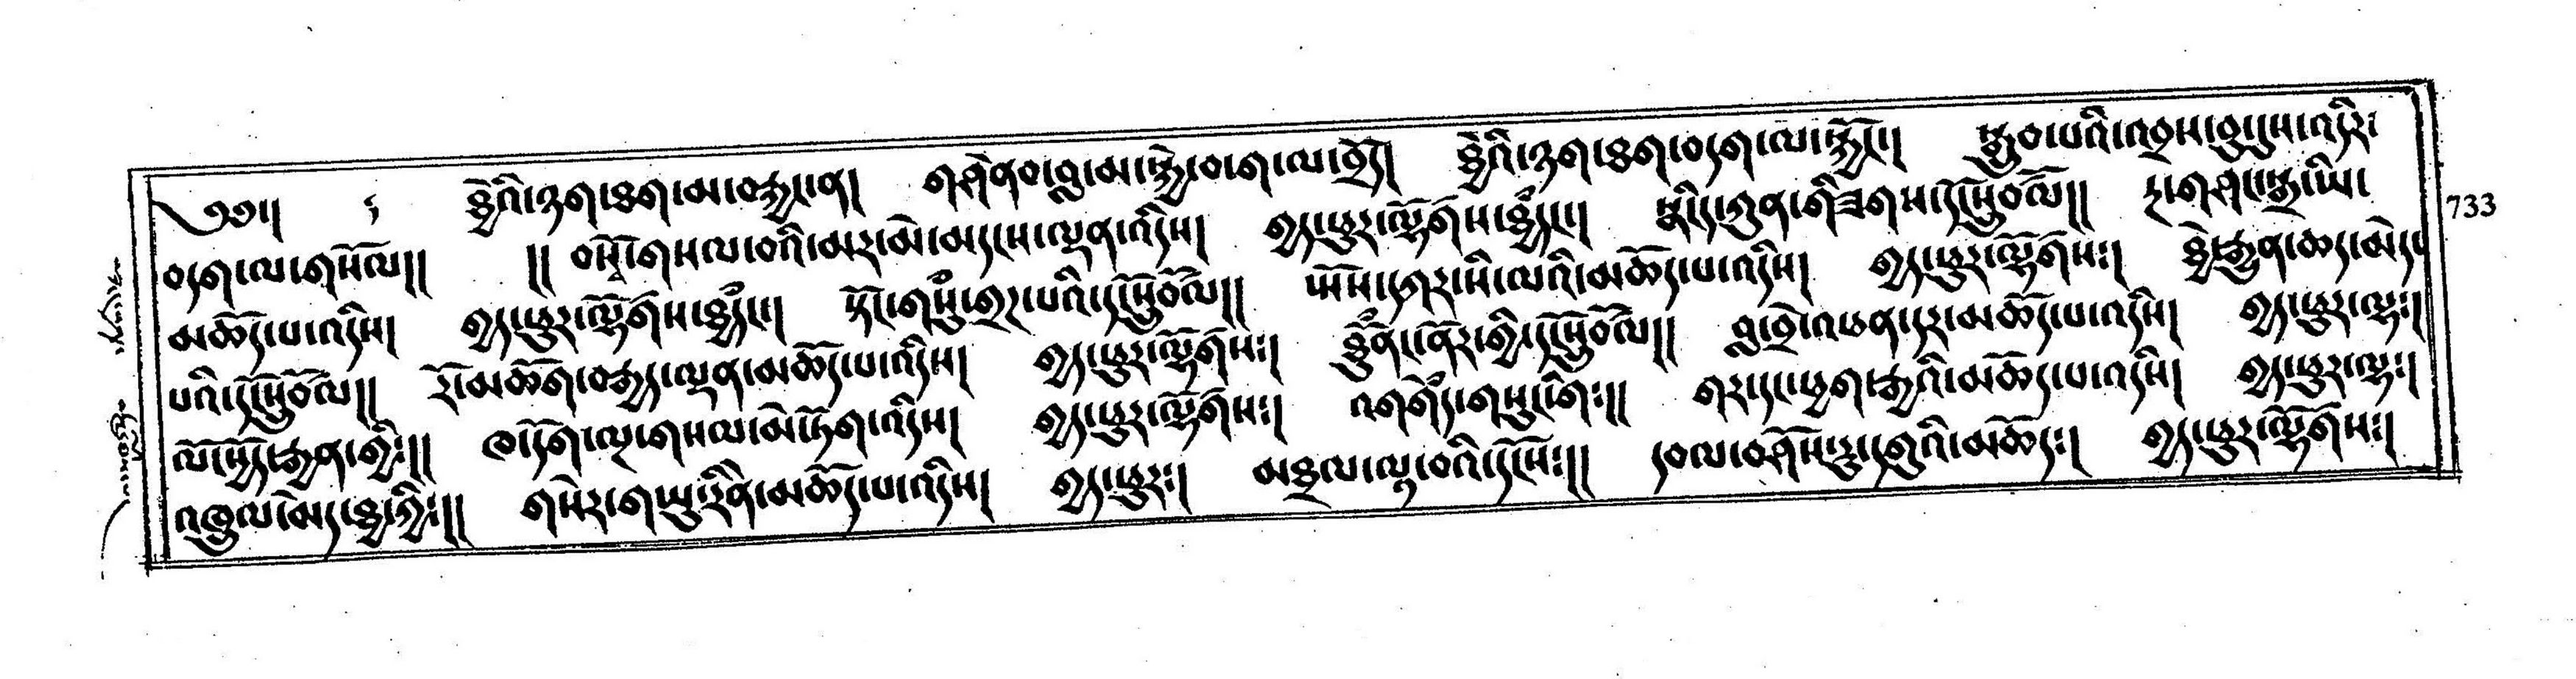ཐུགས་རྗེའི་ཉག་ཐག་མ་བརྐྱང་ན། གཤེན་རབ་བླ་མ་སྐྱེ་བ་ག་ལ་བྲོད། ཐུགས་རྗེའི་ཉག་ཐག་བདག་ལ་སྐྱོངས། སྒྲུབ་པའི་འབྲས་བུ་དུས་འདིར་
བདག་ལ་གསོལ།། །།བསྭོ་གསལ་བའི་མར་མེ་མདངས་ལྡན་འདིས། གྱད་ཕུར་ལྷ་ཚོགས་ཐུགས་དམ་བསྐང་། སྣང་སྲིད་ཀུན་གཟིགས་དངོས་གྲུབ་སྩོལ།། རྔ་གཤང་སྒྲ་ཡི་
མཆོད་པ་འདིས། གྱད་ཕུར་ལྷ་ཚོགས་ཐུགས་དམ་བསྐང་། སྟོང་གསུམ་གྲགས་པའི་དངོས་གྲུབ་སྩོལ།། སྤོས་དཀར་སི་ལའི་མཆོད་པ་འདིས། གྱད་ཕུར་ལྷ་ཚོགས༴། ཐུགས་རྗེ་རྒྱུན་ཆད་མེད་
པའི་དངོས་གྲུབ་སྩོལ།། རོ་མཆོག་བརྒྱད་ལྡན་མཆོད་པ་འདིས། གྱད་ཕུར་ལྷ་ཚོགས༴། ཐུན་མོང་ནོར་གྱི་དངོས་གྲུབ་སྩོལ།། བླ་བྲེ་འཕན་དར་མཆོད་པ་འདིས། གྱད་ཕུར་ལྷ༴། 
ལོངས་སྤྱོད་རྒྱན་གྱི༴།། ཁ་དོག་ལྔ་གསལ་མེ་ཏོག་འདིས། གྱད་ཕུར་ལྷ་ཚོགས༴། འགག་མེད་གསུང་གི༴།། གར་དང་ཕྱག་རྒྱའི་མཆོད་པ་འདིས། གྱད་ཕུར་ལྷ༴། 
འཁྲུལ་མེད་ཐུགས་ཀྱི༴།། གསེར་གཡུ་རིན་ཆེན་མཆོད་པ་འདིས། གྱད་ཕུར༴། མཐའ་བྲལ་ལྟ་བའི་དངོས༴།། དབལ་བཤོས་རུ་དགུའི་མཆོད༴། གྱད་ཕུར་ལྷ་ཚོགས༴།